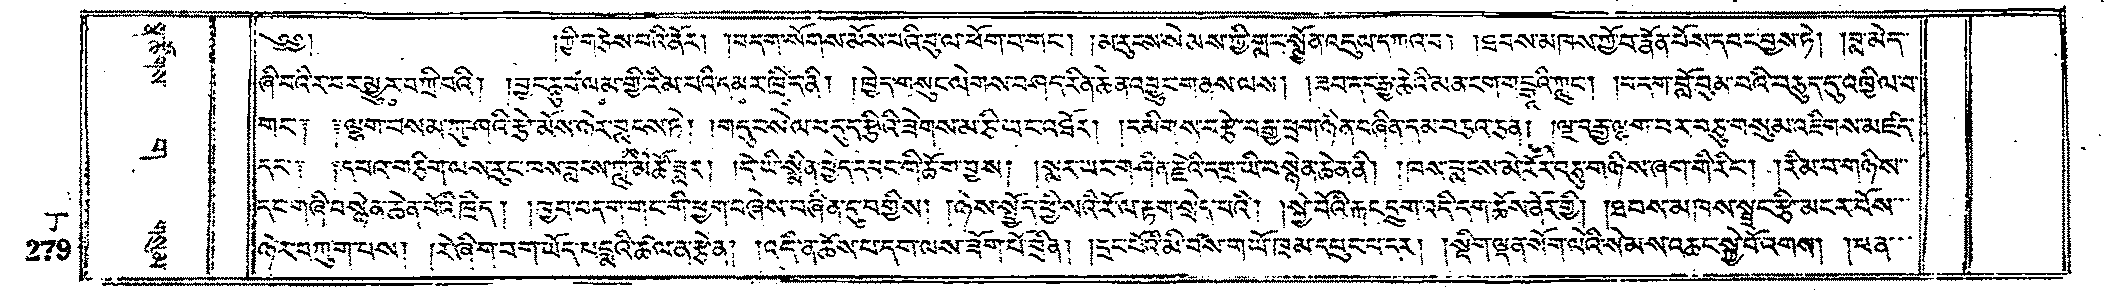༄༅། །ཀྱི་གཅེས་པའི་ནོར། །བདག་སོགས་མོས་པའི་བུ་ལ་ཕོག་པ་གང་། །མ་རུངས་སེམས་ཀྱི་གླང་སྨྱོན་འདུལ་དཀའ་བ། །ཐབས་མཁས་ཀྱོ་བ་རྣོན་པོས་དབང་བྱས་ཏེ། །བླ་མེད་་་
ཞི་བའི་བར་མྱུར྾་བཀྲི་བའི། །བྱང་ཆུབ་ལམ྾་གྱི་རིམ་པའི་དམར྾་ཁྲིད྾་ནི། །ཁྱེད་གསུང་ལེགས་བཤད་རིན་ཆེན་འབྱུང་གནས་ལས། །ཟབ་དང་རྒྱ་ཆེའི་མན་ངག་གངྒཱའི་ཀླུང་། །བདག་བློ་བུམ་པའི་བཅུད་དུ་འཁྱིལ་བ་
གང༑ ༑ལྷག་བསམ་ཀུ་ཤའི་རྩེ་མོས་ཉེར་བླངས་ཏེ། །གདུང་སེལ་བདུད་རྩིའི་ཟེགས་མ་ཅི་ཡང་འཐོར། །དམིགས་བརྩེ་བརྒྱ་ཕྲག་ཉིན་བཞིན་དམ་བཅའ་ཅན། །ལྔ་བརྒྱ་ལྷག་པར་བཅུ་གསུམ་འཇིགས་མཛད་
དང༑ ༑དཔའ་གཅིག་ལས་རུང་ཁས་བླངས་ཀླུ་མཚོ་ཟླར། །དེ་ཡི་སྨིན་བྱེད་དབང་གི་ཆོ་ག་བྱས། །སླར་ཡང་གཤིན་རྗེའི་དགྲ་ཡི་བསྙེན་ཆེན་ནི། །ཁས་བླངས་མེ་རོར་བཅུ་གཉིས་ཞག་གི་རིང་། །རིམ་པ་གཉིས་་་
དང་གཞི་བསྙེན་ཆེན་པོའི་ཁྲིད། །ཁྱབ་བདག་གང་གི་ཕྱག་བཞེས་བཞིན་དུ་བགྱིས། །ཉེས་སྤྱོད་ཕྱི་སའི་རོ་ལ་རྟག་སྲེད་པའི། །སྐྱེ་བོའི་རྐང་དྲུག་འདི་དག་ཆོས་ནོར་གྱི། །ཐབས་མཁས་སྦྲང་རྩི་མངར་པོས་་་
ཉེར་བཀུག་པས། །རེ་ཞིག་བག་ཡོད་པདམའི་ཚལ་ན་རྩེན། །འདི་ན་ཆོས་པ་དག་ལས་ཟོག་པོ་བྲིན། །དྲང་པོའི་མི་བས་གཡོ་ཁྲམ་དཔུང་པ་དར། །སྡིག་ལྡན་སོག་ལེའི་སེམས་འཆང་སྐྱེ་བོ་འགས། །ཕན་་་